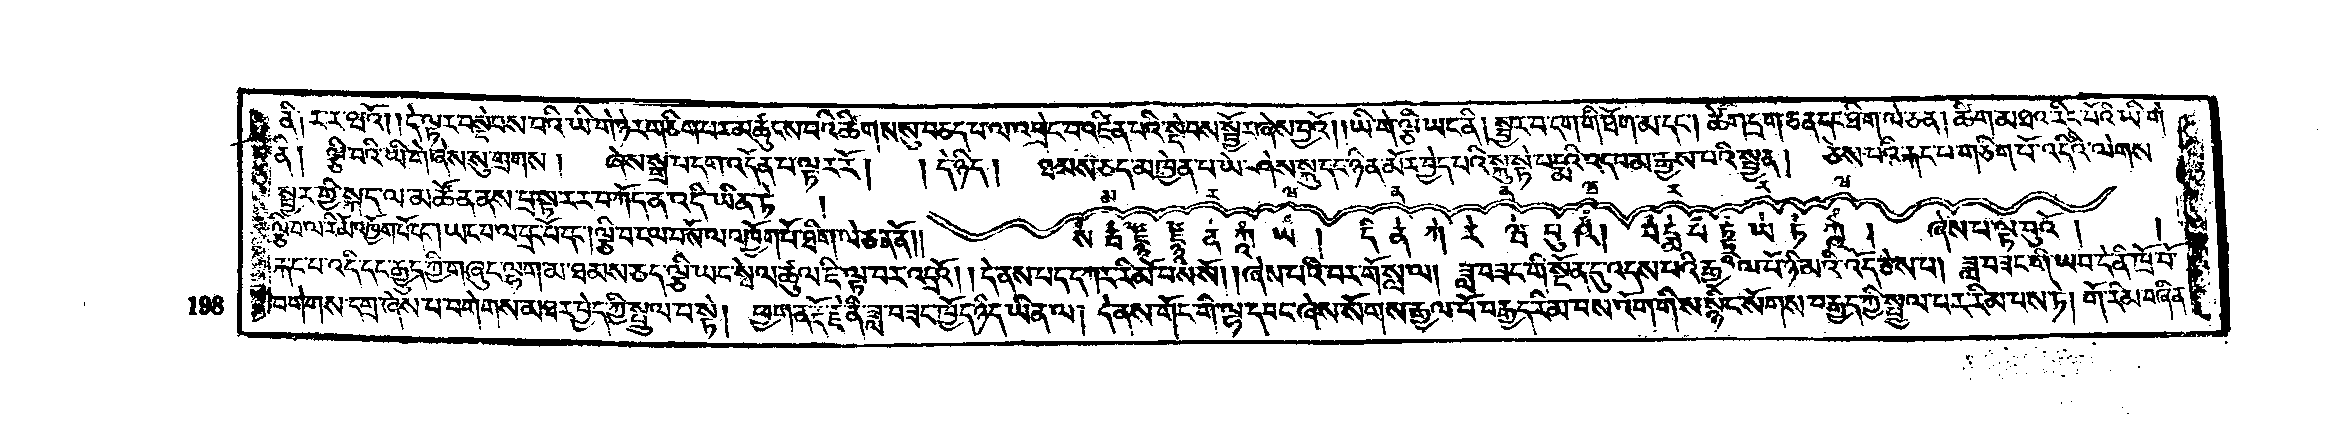ནི། ར་ར་ཝའོ། །དེ་ལྟར་བསྡེབས་པའི་ཡི་གེ་ཉེར་གཅིག་པར་མཚུངས་པའི་ཚིགས་སུ་བཅད་པ་ལ་འཕྲེང་བ་འཛིན་པའི་སྡེབས་སྦྱོར་ཞེས་བྱའོ། །ཡི་གེ་ལྕི་ཡང་ནི། སྦྱར་བ་དག་གི་ཐོག་མ་དང་། ཚིག་དྲག་ཅན་དང་ཐིག་ལེ་ཅན། ཚིག་མཐའ་རིང་པོའི་ཡི་གེ་
ནི། ལྕི་བའི་ཡི་གེ་ཞེས་སུ་གྲགས། ཞེས་སྒྲ་པ་དག་འདོན་པ་ལྟར་རོ། །དེ་ཉིད། ཐམས་ཅད་མཁྱེན་པ་ཡེ་ཤེས་སྐུ་དང་ཉིན་མོར་བྱེད་པའི་སྐུ་སྟེ་པདམའི་འདབ་མ་རྒྱས་པའི་སྤྱན། ཅེས་པའི་རྐང་པ་གཅིག་པོ་འདིའི་ལེགས་
སྦྱར་གྱི་སྐད་ལ་མཚོན་ནས་པྲ་སྟ་རར་བཀོད་ན་འདི་ཡིན་ཏེ། །{་མ་སཾ་པཾ་ཛྙཱཾ་ཛྙཱཾ་ནཾ་ར་ཀཱཾ་ཡིཾ་ཝ། དེ་ནི་ན་ཀེ་རེ་ཝེ་ན་བུ་ཥཾ་ཝ། པཾདམཾ་ཝ་པཾ་ཏཏརའཾ་ཡེ་ཏཾ་ཀྵཾ། ལ་}་ཞེས་པ་ལྟ་བུའོ། །
ལྕི་བ་ལ་རི་མོ་འཁྱོག་པོ་དང་། ཡང་བ་ལ་དྲང་པོ་དང་། ལྕི་བ་ངལ་བསོ་ལ་འཁྱོག་པོ་ཐིག་ལེ་ཅན་ནོ།།
རྐང་པ་འདི་དང་རྒྱུད་ཀྱི་གཞུང་ལྷག་མ་ཐམས་ཅད་ལྕི་ཡང་སྤེལ་ཚུལ་ཇི་ལྟ་བར་འདྲའོ། །དེ་ནས་པད་དཀར་རིམ་པས་སོ། །ཞེས་པའི་བར་གོ་སླ་ལ། ཟླ་བཟང་གི་སྔོན་དུ་འདས་པའི་རྒྱལ་པོ་ཉི་མའི་འོད་ཅེས་པ། ཟླ་བཟང་གི་ཡབ་དེ་ནི་ཁྲོ་བོ་
བགེགས་དགྲ་ཞེས་པ་བགེགས་མཐར་བྱེད་ཀྱི་སྤྲུལ་པ་སྟེ། ཕྱག་ན་རྡོ་རྗེ་ནི་ཟླ་བཟང་ཁྱོད་ཉིད་ཡིན་ལ། དེ་ནས་གོང་གི་ལྷ་དབང་ཞེས་སོགས་རྒྱལ་པོ་བརྒྱད་རིམ་པས་འོག་གི་ས་སྙིང་སོགས་བརྒྱད་ཀྱི་སྤྲུལ་པར་རིམ་པས་ཏེ། གོ་རིམ་བཞིན་